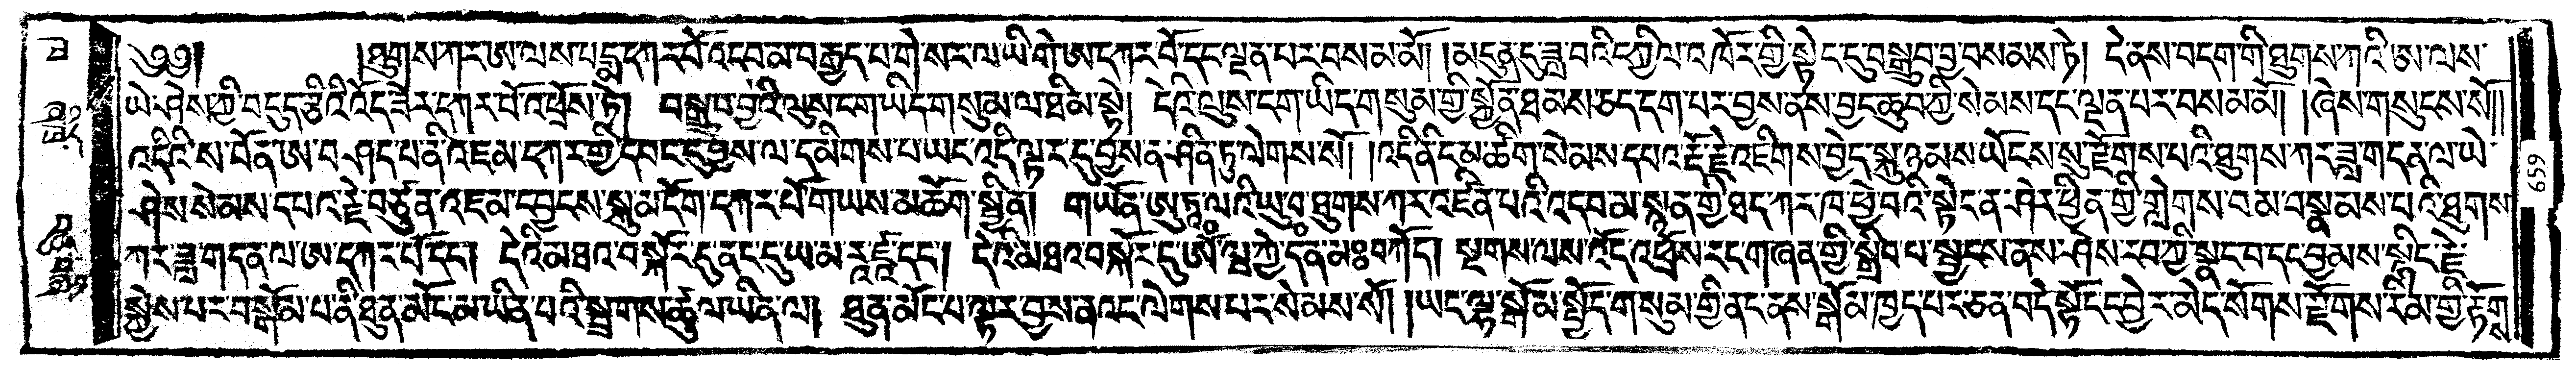༄༅། །ཐུགས་ཀར་ཨ་ལས་པདམ་དཀར་པོ་འདབ་མ་བརྒྱད་པ་གེ་སར་ལ་ཡི་གེ་ཨ་དཀར་པོ་དང་ལྡན་པར་བསམ་མོ། །མདུན་དུ་ཟླ་བའི་དཀྱིལ་འཁོར་གྱི་སྟེང་དུ་བསྒྲུབ་བྱ་བསམས་ཏེ། དེ་ནས་བདག་གི་ཐུགས་ཀའི་ཨ་ལས་
ཡེ་ཤེས་ཀྱི་བདུད་རྩིའི་འོད་ཟེར་དཀར་པོ་འཕྲོས་ཏེ། བསྒྲུབ་བྱའི་ལུས་ངག་ཡིད་གསུམ་ལ་ཐིམ་སྟེ། དེའི་ལུས་ངག་ཡིད་གསུམ་གྱི་སྐྱོན་ཐམས་ཅད་དག་པར་བྱས་ནས་བྱང་ཆུབ་ཀྱི་སེམས་དང་ལྡན་པར་བསམ་མོ། །ཞེས་གསུངས་སོ།།
འདིའི་ས་བོན་ཨ་བཤད་པ་ནི་འཇམ་དཀར་གྱི་དབང་དུ་བྱས་ལ་དམིགས་པ་ཡང་འདི་ལྟར་དུ་བྱས་ན་ཤིན་ཏུ་ལེགས་སོ། །འདི་ནི་དམ་ཚིག་སེམས་དཔའ་རྡོ་རྗེ་འཇིགས་བྱེད་སྐུ་ཉམས་ཡོངས་སུ་རྫོགས་པའི་ཐུགས་ཀར་ཟླ་གདན་ལ་ཡེ་
ཤེས་སེམས་དཔའ་རྗེ་བཙུན་འཇམ་དབྱངས་སྐུ་མདོག་དཀར་པོ་གཡས་མཆོག་སྦྱིན། གཡོན་ཨུཏྤ་ལའི་ཡུ་བ་ཐུགས་ཀར་འཛིན་པའི་འདབ་མ་སྙན་གྱི་ཐད་ཀར་ཁ་ཕྱེ་བའི་སྟེང་ན་ཤེར་ཕྱིན་གྱི་གླེགས་བམ་བསྣམས་པའི་ཐུགས་
ཀར་ཟླ་གདན་ལ་ཨ་དཀར་པོ་དང་། དེའི་མཐའ་བསྐོར་དུ་ནང་དུ་ཡ་མ་རཱ་ཛཱ་དང་། དེའི་མཐའ་བསྐོར་དུ་ཨོཾ་ཝ་ཀྱེ་དཾ་ན་མཿབཀོད། སྔགས་ལས་འོད་འཕྲོས་རང་གཞན་གྱི་སྒྲིབ་པ་སྦྱངས་ནས་ཤེས་རབ་ཀྱི་སྣང་བ་དང་བྱམས་སྙིང་རྗེ་
སྐྱེས་པར་བསྒོམ་པ་ནི་ཐུན་མོང་མ་ཡིན་པའི་སྦྲགས་ཚུལ་ཡིན་ལ། ཐུན་མོང་པ་ལྟར་བྱས་ནའང་ལེགས་པར་སེམས་སོ། །ཡང་ལྷ་སྒོམ་སྤྱོད་གསུམ་གྱི་ནང་ནས་སྒོམ་ཁྱད་པར་ཅན་བདེ་སྟོང་དབྱེར་མེད་སོགས་རྫོགས་རིམ་གྱི་རྟོགས་